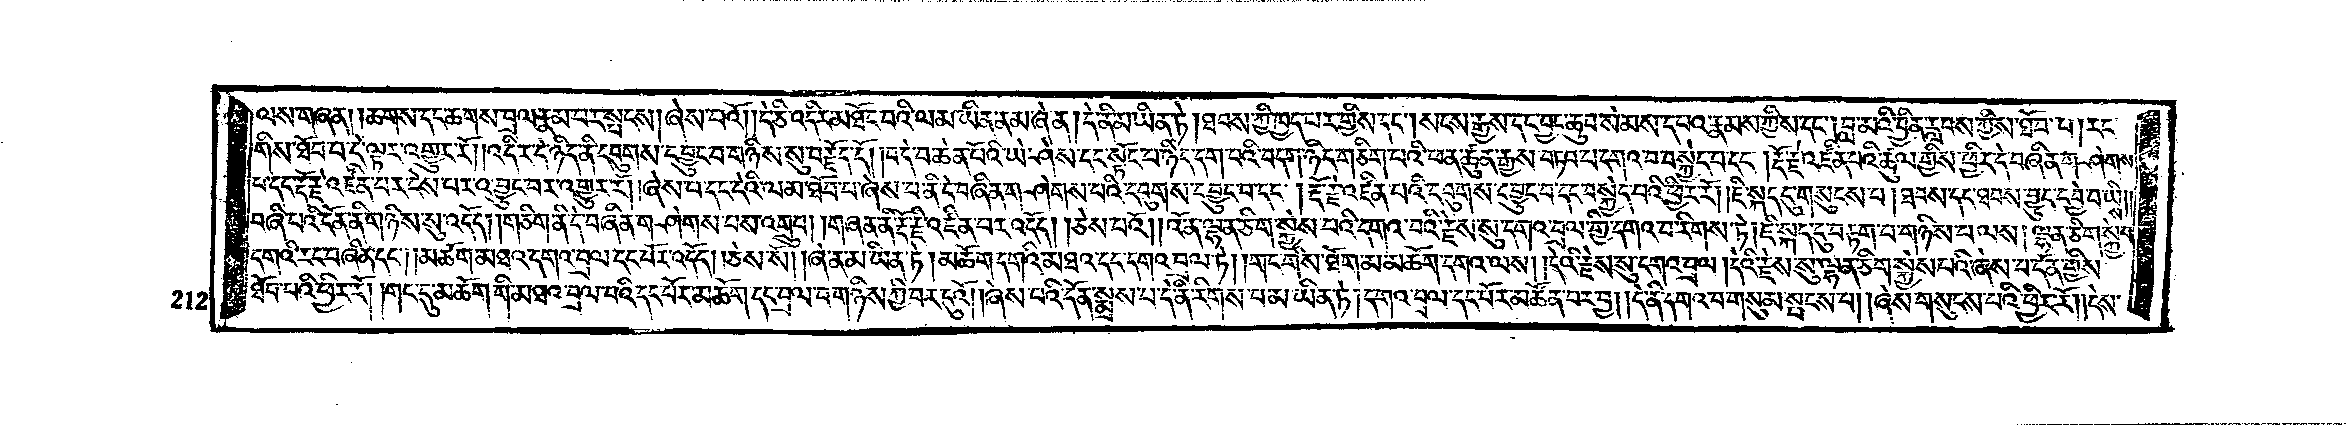ལས་གཞན། །ཆགས་དང་ཆགས་བྲལ་རྣམ་པར་སྤངས། ཞེས་པའོ། །དེ་ཅི་འདིར་མཐོང་བའི་ལམ་ཡིན་ནམ་ཞེ་ན། དེ་ནི་མ་ཡིན་ཏེ། ཐབས་ཀྱི་ཁྱད་པར་གྱིས་དང་། སངས་རྒྱས་དང་བྱང་ཆུབ་སེམས་དཔའ་རྣམས་ཀྱིས་དང་། བླ་མའི་བྱིན་རླབས་ཀྱིས་ཐོབ་ལ། རང་
གིས་ཐོབ་པ་དེ་ལྟར་འགྱུར་རོ། །འདིར་དེ་ཉིད་ནི་དབུགས་དབྱུང་བ་གཉིས་སུ་བརྗོད་དོ། །བདེ་བ་ཆེན་པོའི་ཡེ་ཤེས་དང་སྟོང་པ་ཉིད་དག་པའི་བདག་ཉིད་གཅིག་པའི་ཕན་ཚུན་རྒྱས་བཏབ་པ་དགའ་བ་བསྐྱེད་པ་དང་། རྡོ་རྗེ་འཛིན་པའི་ཚུལ་གྱིས་ཕྱིར་དེ་བཞིན་གཤེགས་
པ་དང་རྡོ་རྗེ་འཛིན་པར་ངེས་པར་འབྱུང་བར་འགྱུར་རོ། །ཞེས་པ་དང་དེའི་ལམ་ཐོབ་པ་ཞེས་པ་ནི་དེ་བཞིན་གཤེགས་པའི་དབུགས་དབྱུང་བ་དང་། རྡོ་རྗེ་འཛིན་པའི་དབུགས་དབྱུང་བ་དང་བསྐྱེད་པའི་ཕྱིར་རོ། །ཇི་སྐད་དུ་གསུངས་པ། ཐབས་དང་ཐབས་བྱུང་དབྱེ་བ་ཡིས། །
བཞི་པའི་དོན་ནི་གཉིས་སུ་འདོད། །གཅིག་ནི་དེ་བཞིན་གཤེགས་པས་འགྲུབ། །གཞན་ནི་རྡོ་རྗེ་འཛིན་པར་འདོད། །ཅེས་པའོ། །འོ་ན་ལྷན་ཅིག་སྐྱེས་པའི་དགའ་བའི་རྗེས་སུ་དགའ་བྲལ་གྱི་དགའ་བ་རིགས་ཏེ། ཇི་སྐད་དུ་བརྟག་པ་གཉིས་པ་ལས། ལྷན་ཅིག་སྐྱེ་བ་
དགའི་རང་བཞིན་དང་། །མཆོག་མཐའ་དགའ་བྲལ་དང་པོར་འདོད། །ཅེས་སོ། །ཞེ་ན་མ་ཡིན་ཏེ། མཆོག་དགའི་མཐའ་དང་དགའ་བྲལ་ཏེ། །གང་གིས་ཐོག་མ་མཆོག་དགའ་ལས། །དེའི་རྗེས་སུ་དགའ་བྲལ། དེའི་རྗེས་སུ་ལྷན་ཅིག་སྐྱེས་པའི་ཞེས་པ་དོན་བྱིས་
ཐོབ་པའི་ཕྱིར་རོ། །གང་དུ་མཆོག་གི་མཐའ་བྲལ་བའི་དང་པོར་མཆོག་དང་བྲལ་བ་གཉིས་ཀྱི་བར་དུའོ། །ཞེས་པའི་དོན་སྨྲས་པ་དེ་ནི་རིགས་པ་མ་ཡིན་ཏེ། དགའ་བྲལ་དང་པོར་མཚོན་པར་བྱ། །དེ་ནི་དགའ་བ་གསུམ་སྤངས་པ། །ཞེས་གསུངས་པའི་ཕྱིར་རོ། །དེས་